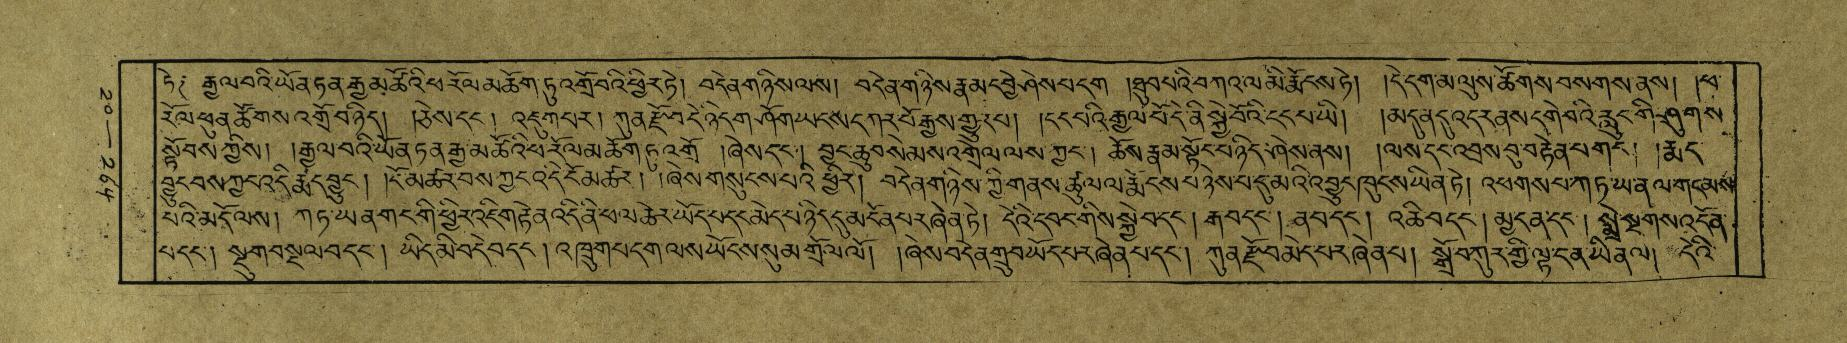ཏེ༑ རྒྱལ་བའི་ཡོན་ཏན་རྒྱ་མཚོའི་ཕ་རོལ་མཆོག་ཏུ་འགྲོ་བའི་ཕྱིར་ཏེ། བདེན་གཉིས་ལས། བདེན་གཉིས་རྣམ་དབྱེ་ཤེས་པ་དག །ཐུབ་པའི་བཀའ་ལ་མི་རྨོངས་ཏེ། །དེ་དག་མ་ལུས་ཚོགས་བསགས་ནས། །ཕ་
རོལ་ཕུན་ཚོགས་འགྲོ་བ་ཉིད། །ཅེས་དང་། འཇུག་པར། ཀུན་རྫོབ་དེ་ཉིད་གཤོག་ཡངས་དཀར་པོ་རྒྱས་གྱུར་པ། །ངང་པའི་རྒྱལ་པོ་དེ་ནི་སྐྱེ་བོའི་ངང་པ་ཡི། །མདུན་དུ་འདར་ནས་དགེ་བའི་རླུང་གི་ཤུགས་
སྟོབས་ཀྱིས། །རྒྱལ་བའི་ཡོན་ཏན་རྒྱ་མཚོའི་ཕ་རོལ་མཆོག་ཏུ་འགྲོ་།ཞེས་དང་། བྱང་ཆུབ་སེམས་འགྲེལ་ལས་ཀྱང་། ཆོས་རྣམ་སྟོང་པ་ཉིད་ཤེས་ནས། །ལས་དང་འབྲས་བུ་བརྟེན་པ་གང་། །རྨད་
བྱུང་བས་ཀྱང་འདི་རྨད་བྱུང་། །ངོ་མཚར་བས་ཀྱང་འདི་ངོ་མཚར། །ཞེས་གསུངས་པའི་ཕྱིར། བདེན་གཉིས་ཀྱི་གནས་ཚུལ་ལ་རྨོངས་པ་ཉེས་པ་དུ་མའི་འབྱུང་ཁུངས་ཡིན་ཏེ། འཕགས་པ་ཀ་ཏ་ཡ་ན་ལ་གདམས་
པའི་མདོ་ལས། ཀ་ཏ་ཡ་ན་གང་གི་ཕྱིར་འཇིག་རྟེན་འདི་ནི་ཕལ་ཆེར་ཡོད་པ་དང་མེད་པ་ཉིད་དུ་མངོན་པར་ཞེན་ཏེ། དེའི་དབང་གིས་སྐྱེ་བ་དང་། རྒ་བ་དང་། ན་བ་དང་། འཆི་བ་དང་། མྱ་ངན་དང་། སྨྲེ་སྔགས་འདོན་
པ་དང་། སྡུག་བསྔལ་བ་དང་། ཡིད་མི་བདེ་བ་དང་། འཁྲུག་པ་དག་ལས་ཡོངས་སུ་མ་གྲོལ་ལོ། །ཞེས་བདེན་གྲུབ་ཡོད་པར་ཞེན་པ་དང་། ཀུན་རྫོབ་མེད་པར་ཞེན་པ། སྒྲོ་བཀུར་གྱི་ལྟ་ངན་ཡིན་ལ། དེའི་